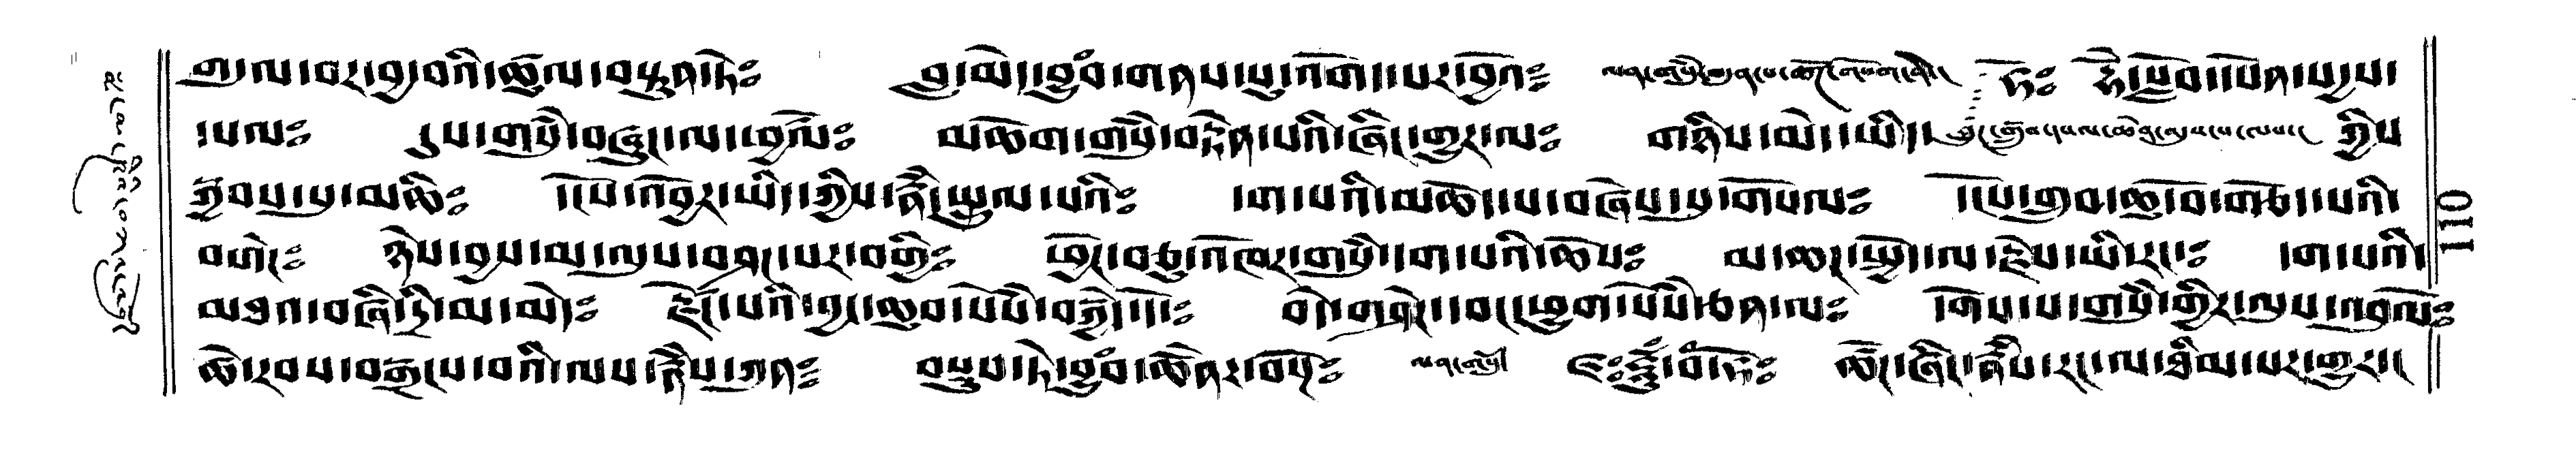གདུལ་བར་བྱ་བའི་ཚུལ་བསྟན་ཏེ༔ བླ་མེད་བྱང་ཆུབ་གནས་སུ་འགོད་པར་བྱའོ༔ ལན་གསུམ་བདུན་པ་ཚོགས་གསོག་ནི། ཧོ༔ རྡོ་རྗེ་སློབ་དཔོན་སངས་རྒྱས་
དཔལ༔དུས་གསུམ་བཞུགས་ལ་ཕྱག་འཚལ་ལོ༔ མཆོག་གསུམ་བརྟེན་པའི་ཞིང་གྱུར་ལ༔ གཉིས་མེད་ཡིད་ཀྱིས་
སྐྱབས་སུ་མཆི༔ དངོས་འབྱོར་ཡིད་ཀྱིས་རྣམ་སྤྲུལ་པའི༔ དག་པའི་མཆོད་པ་བཞེས་སུ་གསོལ༔ དངོས་གྲུབ་ཆུ་བོ་གཅོད་པའི་
བགེགས༔ ཉེས་བྱས་མ་ལུས་བཤགས་པར་བགྱི༔ ཕྱོགས་བཅུ་འཁོར་གསུམ་དག་པའི་ཆོས༔ མ་ཆགས་སྤྱོད་ལ་རྗེས་ཡི་རང༔ དག་པའི་
མཐའ་བཞི་དྲི་མ་མེད༔ རྫོགས་པའི་བྱང་ཆུབ་སེམས་བསྐྱེད་དོ༔ བདེ་གཤེགས་དབང་ཕྱུག་སེམས་དཔའ་ལ༔ དགོས་པ་གསུམ་ཕྱིར་ལུས་འབུལ་ལོ༔ 
ཚེ་རབས་བགྲངས་བའི་ལས་རྣམས་ཀུན༔ བསྡུས་ཏེ་བྱང་ཆུབ་ཆེན་པོར་བསྔོ༔ ལན་གསུམ། ཛཿཧཱུྃ་བཾ་ཧོ། ཚོགས་ཞིང་རྣམས་རང་ལ་ཐིམ་པར་གྱུར།